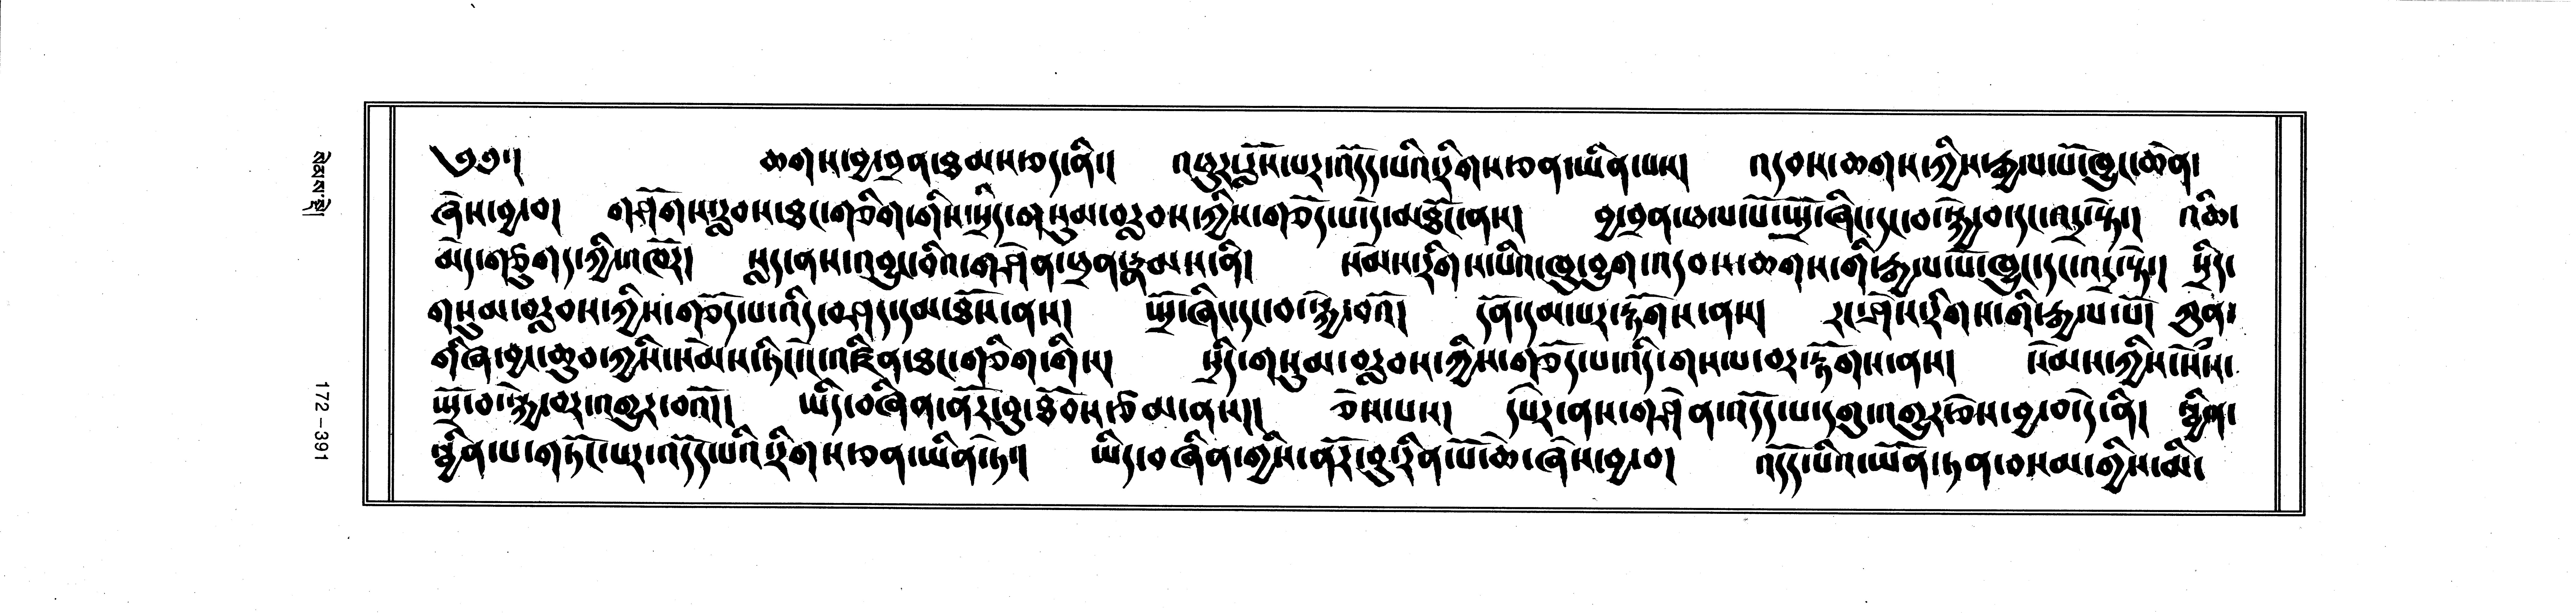ཆགས་བྱ་བྲན་ཐམས་ཅད་ནི། འཕུར་རློས་པར་འདོད་པའི་རིགས་ཅན་ཡིན་པས། འདབས་ཆགས་ཀྱིས་རྒྱལ་པོ་ཁྱུང་ཆེན་
ཞེས་བྱ་བ། གཤོགས་རླབས་ཐང་གཅིག་གིས་སྲིད་གསུམ་བརླབས་ཀྱིས་གཅོད་པ་དེ་མཐོང་ནས། བྱ་བྲན་ཕལ་པོ་སྤྲོ་ཞིང་དྭངས་བ་སྐྱེ་བ་དང་འདྲ་སྟེ། འཆི་
མེད་གཙུག་ཕུད་ཀྱི་འཁོར། སླད་ནས་འབྱུང་བའི་གཤེན་ཕྲན་རྣམས་ནི། སེམས་རིག་པའི་ཁུ་བྱུག་འདབས་ཆགས་གི་རྒྱལ་པོ་ཁྱུང་དང་འདྲ་སྟེ། སྲིད་
གསུམ་བརླབས་ཀྱིས་གཅོད་པ་འདི་བཤད་དམ་ཐོས་ནས། སྤྲོ་ཞིང་དྭངས་བ་སྐྱེ་བའོ། དོན་དམ་པར་རྟོགས་ནས། རང་ཤེས་རིག་གི་རྒྱལ་པོ། ཀུན་
གཞི་བྱང་ཆུབ་ཀྱིས་སེམས་ཏིང་ངེ་འཛིན་ཐང་གཅིག་གིས། སྲིད་གསུམ་བརླབས་ཀྱིས་གཅོད་པ་འདི་གསལ་བར་རྟོགས་ནས། སེམས་ཀྱིས་སེམས་
སྤྲོ་བ་སྐྱེ་བར་འགྱུར་བའོ། ཡིད་བཞིན་ནོར་བུ་ཐོབས་ཙམ་ནས། ཅེས་པས། དཔེར་ནས་གཤེན་འདོད་པ་དགུ་འགྱུར་ཅེས་བྱ་བ་དེ་ནི། སྦྱིན་
པ་གཏོང་པར་འདོད་པའི་རིགས་ཅན་ཡིན་ཏེ། ཡིད་བཞིན་གྱིས་ནོར་བུ་རིན་པོ་ཆེ་ཞེས་བྱ་བ། འདོད་པའི་ཡོན་ཏན་བསམ་གྱིས་མི་